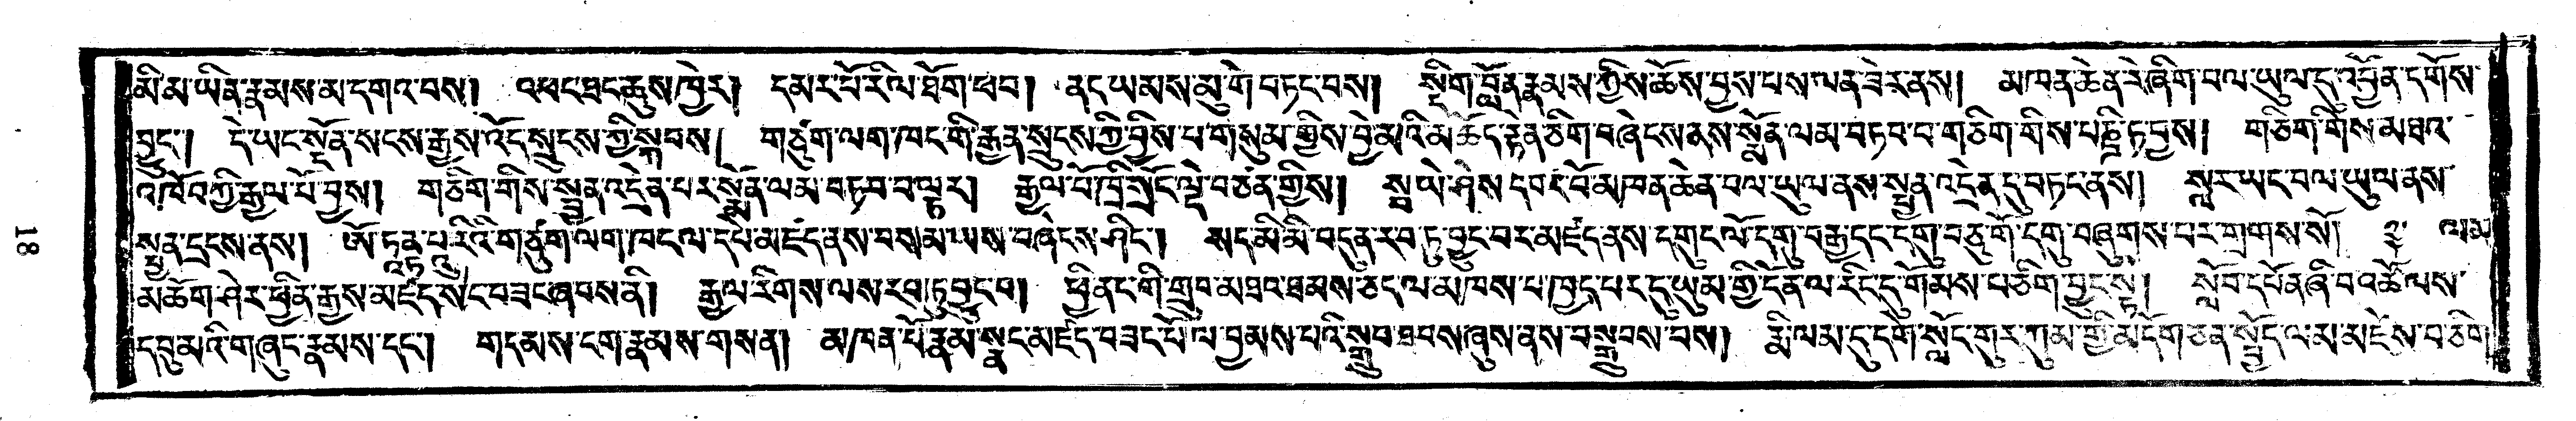མི་མ་ཡིན་རྣམས་མ་དགའ་བས། འཕང་ཐང་ཆུས་ཁྱེར། དམར་པོ་རིལ་ཐོག་ཕབ། ནད་ཡམས་མུ་གེ་བཏང་བས། སྡིག་བློན་རྣམས་ཀྱིས་ཆོས་བྱས་པས་ལན་ཟེར་ནས། མཁན་ཆེན་རེ་ཞིག་བལ་ཡུལ་དུ་འབྱོན་དགོས་
བྱུང་། དེ་ཡང་སྔོན་སངས་རྒྱས་འོད་སྲུངས་ཀྱི་སྐབས། གཙུག་ལག་ཁང་གི་རྒྱན་སྲུངས་ཀྱི་བྱིས་པ་གསུམ་གྱིས་བྱེ་མའི་མཆོད་རྟེན་ཅིག་བཞེངས་ནས་སྨོན་ལམ་བཏབ་བ་གཅིག་གིས་པཎྜི་ཏ་བྱས། གཅིག་གིས་མཐའ་
འཁོབ་ཀྱི་རྒྱལ་པོ་བྱས། གཅིག་གིས་སྤྱན་འདྲེན་པར་སྨོན་ལམ་བཏབ་བ་ལྟར། རྒྱལ་པོ་ཁྲི་སྲོང་ལྡེ་བཙན་གྱིས། སྦ་ཡེ་ཤེས་དབང་པོ་མཁན་ཆེན་བལ་ཡུལ་ནས་སྤྱན་འདྲེན་དུ་བཏང་ནས། སླར་ཡང་བལ་ཡུལ་ནས་
སྤྱན་དྲངས་ནས། ཨོ་ཏཱནྟ་པཱུ་རིའི་གཙུག་ལག་ཁང་ལ་དཔེ་མཛད་ནས་བསམ་ཡས་བཞེངས་ཤིང་། སད་མི་མི་བདུན་རབ་ཏུ་བྱུང་བར་མཛད་ནས་དགུང་ལོ་དགུ་བརྒྱ་དང་དགུ་བཅུ་གོ་དགུ་བཞུགས་པར་གྲགས་སོ། ༈ ལམ་
མཆོག་ཤེར་ཕྱིན་རྒྱས་མཛད་སང་བཟང་ཞབས་ནི། རྒྱལ་རིགས་ལས་རབ་ཏུ་བྱུང་བ། ཕྱི་ནང་གི་གྲུབ་མཐའ་ཐམས་ཅད་ལ་མཁས་པ་ཁྱད་པར་དུ་ཡུམ་གྱི་དོན་ལ་རིང་དུ་གོམས་པ་ཅིག་བྱུང་སྟེ། སློབ་དཔོན་ཞི་བ་འཚོ་ལས་
དབུ་མའི་གཞུང་རྣམས་དང་། གདམས་ངག་རྣམས་གསན། མཁན་པོ་རྣམ་སྣང་མཛད་བཟང་པོ་ལ་བྱམས་པའི་སྒྲུབ་ཐབས་ཞུས་ནས་བསྒྲུབས་པས། རྨི་ལམ་དུ་དགེ་སློང་གུར་ཀུམ་གྱི་མདོག་ཅན་སྤྱོད་ལམ་མཛེས་བ་ཅིག་